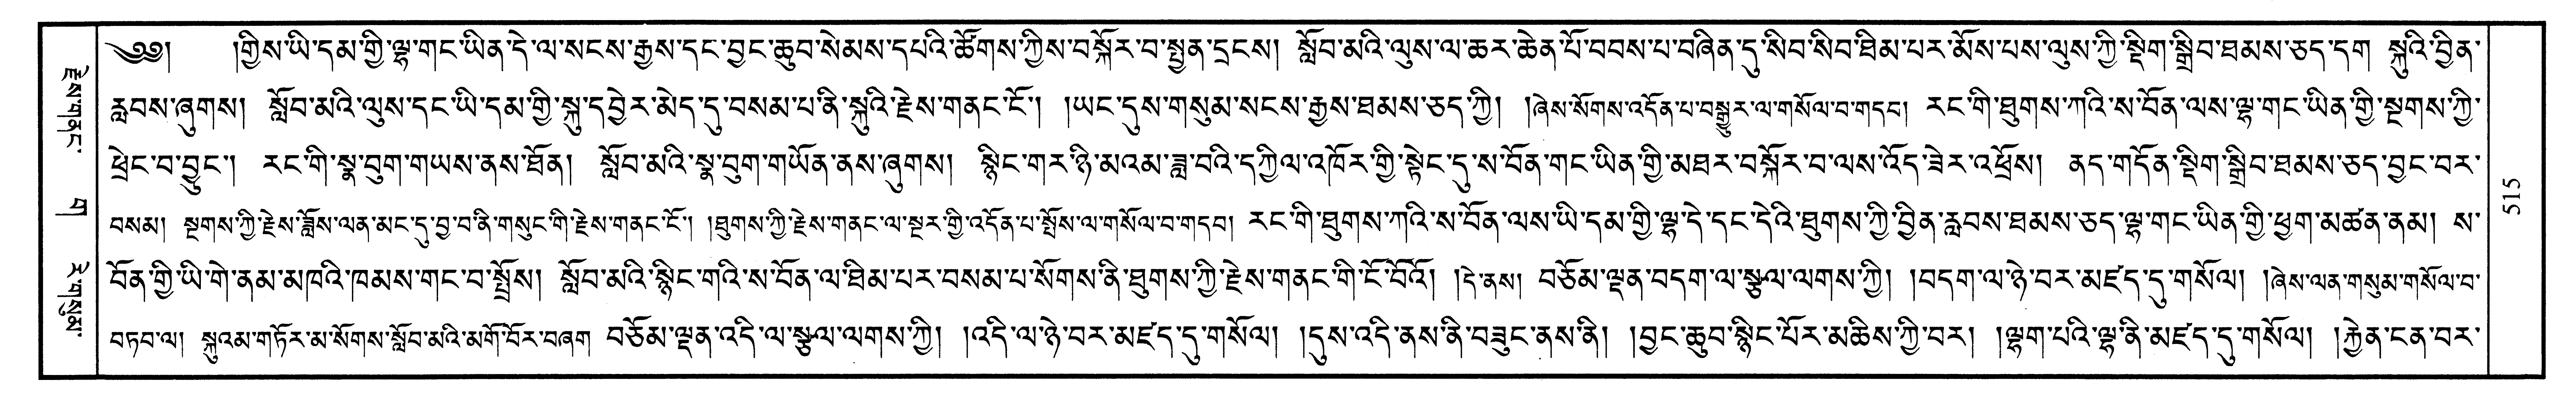༄༅། །གྱིས་ཡི་དམ་གྱི་ལྷ་གང་ཡིན་དེ་ལ་སངས་རྒྱས་དང་བྱང་ཆུབ་སེམས་དཔའི་ཚོགས་ཀྱིས་བསྐོར་བ་སྤྱན་དྲངས། སློབ་མའི་ལུས་ལ་ཆར་ཆེན་པོ་བབས་པ་བཞིན་དུ་སིབ་སིབ་ཐིམ་པར་མོས་པས་ལུས་ཀྱི་སྡིག་སྒྲིབ་ཐམས་ཅད་དག་སྐུའི་བྱིན་
རླབས་ཞུགས། སློབ་མའི་ལུས་དང་ཡི་དམ་གྱི་སྐུ་དབྱེར་མེད་དུ་བསམ་པ་ནི་སྐུའི་རྗེས་གནང་ངོ། །ཡང་དུས་གསུམ་སངས་རྒྱས་ཐམས་ཅད་ཀྱི། །ཞེས་སོགས་འདོན་པ་བསྒྱུར་ལ་གསོལ་བ་གདབ། རང་གི་ཐུགས་ཀའི་ས་བོན་ལས་ལྷ་གང་ཡིན་གྱི་སྔགས་ཀྱི་
ཕྲེང་བ་བྱུང་། རང་གི་སྣ་བུག་གཡས་ནས་ཐོན། སློབ་མའི་སྣ་བུག་གཡོན་ནས་ཞུགས། སྙིང་གར་ཉི་མའམ་ཟླ་བའི་དཀྱིལ་འཁོར་གྱི་སྟེང་དུ་ས་བོན་གང་ཡིན་གྱི་མཐར་བསྐོར་བ་ལས་འོད་ཟེར་འཕྲོས། ནད་གདོན་སྡིག་སྒྲིབ་ཐམས་ཅད་བྱང་བར་
བསམ། སྔགས་ཀྱི་རྗེས་ཟློས་ལན་མང་དུ་བྱ་བ་ནི་གསུང་གི་རྗེས་གནང་ངོ། །ཐུགས་ཀྱི་རྗེས་གནང་ལ་སྔར་གྱི་འདོན་པ་སྤོས་ལ་གསོལ་བ་གདབ། རང་གི་ཐུགས་ཀའི་ས་བོན་ལས་ཡི་དམ་གྱི་ལྷ་དེ་དང་དེའི་ཐུགས་ཀྱི་བྱིན་རླབས་ཐམས་ཅད་ལྷ་གང་ཡིན་གྱི་ཕྱག་མཚན་ནམ། ས་
བོན་གྱི་ཡི་གེ་ནམ་མཁའི་ཁམས་གང་བ་སྤྲོས། སློབ་མའི་སྙིང་གའི་ས་བོན་ལ་ཐིམ་པར་བསམ་པ་སོགས་ནི་ཐུགས་ཀྱི་རྗེས་གནང་གི་ངོ་བོའོ། །དེ་ནས། བཅོམ་ལྡན་བདག་ལ་སྩལ་ལགས་ཀྱི། །བདག་ལ་ཉེ་བར་མཛད་དུ་གསོལ། །ཞེས་ལན་གསུམ་གསོལ་བ་
བཏབ་ལ། སྐུའམ་གཏོར་མ་སོགས་སློབ་མའི་མགོ་བོར་བཞག་བཅོམ་ལྡན་འདི་ལ་སྩལ་ལགས་ཀྱི། །འདི་ལ་ཉེ་བར་མཛད་དུ་གསོལ། །དུས་འདི་ནས་ནི་བཟུང་ནས་ནི། །བྱང་ཆུབ་སྙིང་པོར་མཆིས་ཀྱི་བར། །ལྷག་པའི་ལྷ་ནི་མཛད་དུ་གསོལ། །རྐྱེན་ངན་བར་